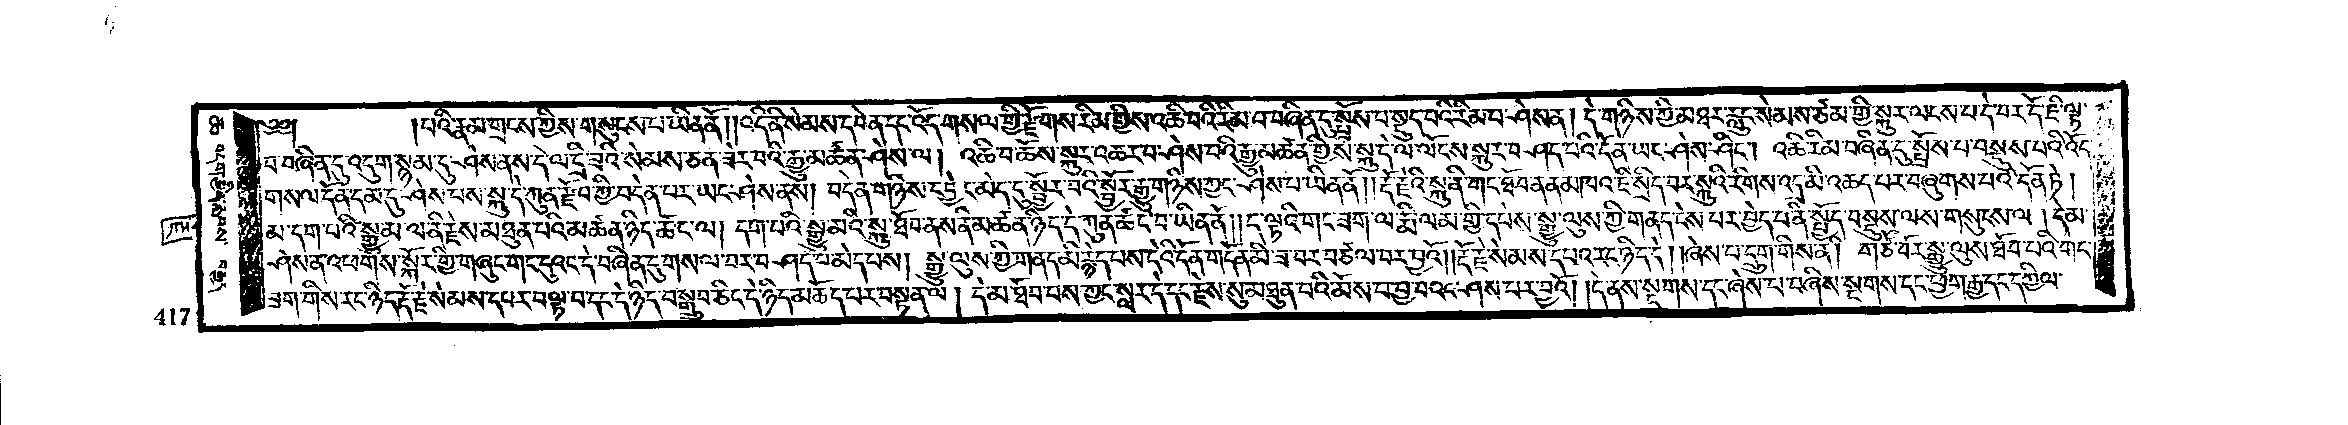༄༅། །པའི་རྣམ་གྲངས་ཀྱིས་གསུངས་པ་ཡིན་ནོ། །འདི་ནི་སེམས་དབེན་དང་འོད་གསལ་གྱི་རྫོགས་རིམ་གྱིས་འཆི་བའི་རིམ་པ་བཞིན་དུ་སྤྲོས་པ་སྡུད་པའི་རིམ་པ་ཤེས་ན། དེ་གཉིས་ཀྱི་མཐར་རླུང་སེམས་ཙམ་གྱི་སྐུར་ལངས་པ་དེ་བར་དོ་ཇི་ལྟ་
བ་བཞིན་དུ་འདུག་སྙམ་དུ་ཤེས་ནས་དེ་ལ་དྲི་ཟའི་སེམས་ཅན་ཟེར་བའི་རྒྱུ་མཚན་ཤེས་ལ། འཆི་བ་ཆོས་སྐུར་འཆར་བ་ཤེས་པའི་རྒྱུ་མཚན་གྱིས་སྐུ་དེ་ལ་ལོངས་སྐུར་བཤད་པའི་དོན་ཡང་ཤེས་ཤིང་། འཆི་རིམ་བཞིན་དུ་སྤྲོས་པ་བསྡུས་པའི་འོད་
གསལ་དོན་དམ་དུ་ཤེས་པས་སྐུ་དེ་ཀུན་རྫོབ་ཀྱི་བདེན་པར་ཡང་ཤེས་ནས། བདན་གཉིས་དབྱེར་མེད་དུ་སྦྱོར་བའི་སྦྱོར་རྒྱུ་གཉིས་ཀྱང་ཤེས་པ་ཡིན་ནོ། །རྡོ་རྗེའི་སྐུ་ནི་གང་ཐོབ་ན་ནམ་མཁའ་ཇི་སྲིད་བར་སྐུའི་རིགས་འདྲ་མི་འཆད་པར་བཞུགས་པའི་དོན་ཏེ།
མ་དག་པའི་སྒྱུ་མ་ལ་ནི་རྗེས་མཐུན་པའི་མཚན་ཉིད་ཚང་ལ། དག་པའི་སྒྱུ་མའི་སྐུ་ཐོབ་ནས་ནི་མཚན་ཉིད་དེ་ཀུན་ཚང་བ་ཡིན་ནོ། །ད་ལྟའི་གང་ཟག་ལ་རྨི་ལམ་གྱི་དཔེས་སྒྱུ་ལུས་ཀྱི་གནད་ངེས་པར་བྱེད་པ་ནི་སྤྱོད་བསྡུས་ལས་གསུངས་ལ། དེ་མ་
ཤེས་ན་འཕགས་སྐོར་གྱི་གཞུང་གང་དུའང་དེ་བཞིན་དུ་གསལ་བར་བཤད་པ་མེད་པས། སྒྱུ་ལུས་ཀྱི་གནད་མི་རྙེད་པས་དེའི་དོན་གདོན་མི་ཟ་བར་བཙལ་བར་བྱའོ། །རྡོ་རྗེ་སེམས་དཔའ་རང་ཉིད་དེ། །ཞེས་པ་དྲུག་གིས་ནི། གཙོ་བོར་སྒྱུ་ལུས་ཐོབ་པའི་གང་
ཟག་གིས་རང་ཉིད་རྡོ་རྗེ་སེམས་དཔར་བལྟ་བ་དང་དེ་ཉིད་བསྒྲུབ་ཅིང་དེ་ཉིད་མཆོད་པར་བསྟན་ལ། དེ་མ་ཐོབ་པས་ཀྱང་སླར་དེ་དང་རྗེས་སུ་མཐུན་པའི་མོས་པ་བྱ་བའང་ཤས་པར་བྱའོ། །དེ་ནས་སྔགས་དང་ཞེས་པ་བཞིས་སྔགས་དང་ཕྱག་རྒྱ་དང་དཀྱིལ་